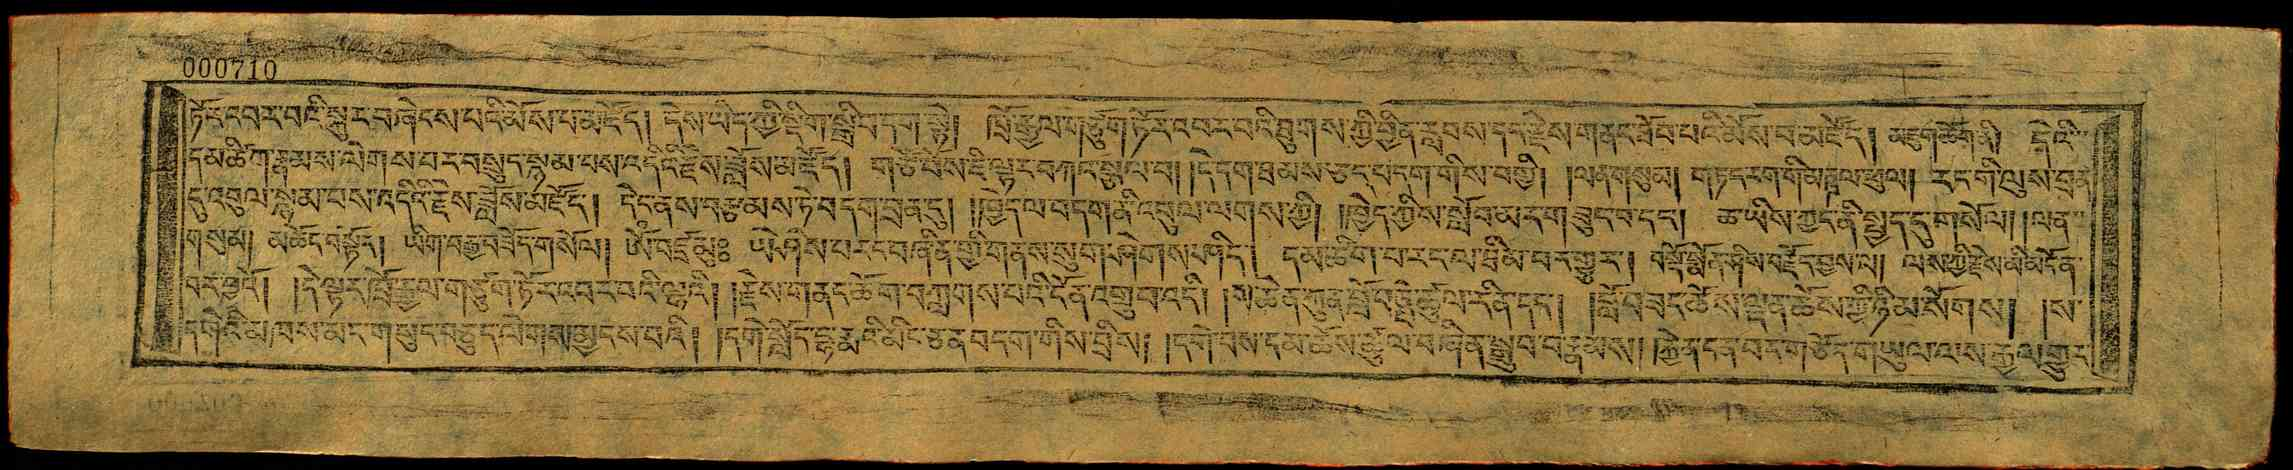ཏོར་འབར་བའི་སྐུར་བཞེངས་པའི་མོས་པ་མཛོད། དེས་ཡིད་ཀྱི་སྡིག་སྒྲིབ་དག་སྟེ། ཁྲོ་རྒྱལ་གཙུག་ཏོར་འབར་བའི་ཐུགས་ཀྱི་བྱིན་རླབས་དང་རྗེས་གནང་ཐོབ་པའི་མོས་པ་མཛོད། མཇུག་ཆོག་ནི། དེའི་
དམ་ཚིག་རྣམས་ལེགས་པར་བསྲུང་སྙམ་པས་འདིའི་རྗེས་ཟློས་མཛོད། གཙོ་བོས་ཇི་ལྟར་བཀའ་སྩལ་པ། །དེ་དག་ཐམས་ཅད་བདག་གིས་བགྱི། ། ལན་གསུམ། གཏང་རག་གི་མཎྜལ་ཕུལ། རང་གི་ལུས་བྲན་
དུ་འབུལ་སྙམ་པས་འདིའི་རྗེས་ཟློས་མཛོད། དེང་ནས་བརྩམས་ཏེ་བདག་བྲན་དུ། །ཁྱེད་ལ་བདག་ནི་འབུལ་ལགས་ཀྱི། །ཁྱེད་ཀྱིས་སློབ་མར་གཟུང་བ་དང་། །ཆ་ཡིས་ཀྱང་ནི་སྤྱད་དུ་གསོལ། །ལན་
གསུམ། མཆོད་བསྟོད། ཡིག་བརྒྱ་བཟོད་གསོལ། ཨོཾ་བཛྲ་མུཿ ཡེ་ཤེས་པ་རང་བཞིན་གྱི་གནས་སུ་གཤེགས་ཤིང་། དམ་ཚིག་པ་རང་ལ་ཐིམ་པར་གྱུར། བསྔོ་སྨོན་ཤིས་བརྗོད་བྱས་ལ། ལས་ཀྱི་རྗེས་མི་མངོན་
པར་བྱའོ། །དེ་ལྟར་ཁྲོ་རྒྱལ་གཙུག་ཏོར་འབར་བའི་ལྷའི། །རྗེས་གནང་ཆོ་ག་བཀླགས་པའི་དོན་འགྲུབ་འདི། །ས་ཆེན་ཀུན་བློ་བནྡེ་ཚུལ་རིན་དང་། །བློ་བཟང་ཆོས་ལྡན་ཆོས་ཀྱི་ཉི་མ་སོགས། །ས་
དགེའི་མཁས་མང་གསུང་བཅུད་ལེགས་མྱངས་པའི། །དགེ་སློང་དྷརྨའི་མིང་ཅན་བདག་གིས་བྲིས། །དགེ་བས་དམ་ཆོས་ཚུལ་བཞིན་སྒྲུབ་པ་རྣམས། །རྐྱེན་ངན་བར་གཅོད་གཡུལ་ལས་རྒྱལ་གྱུར་